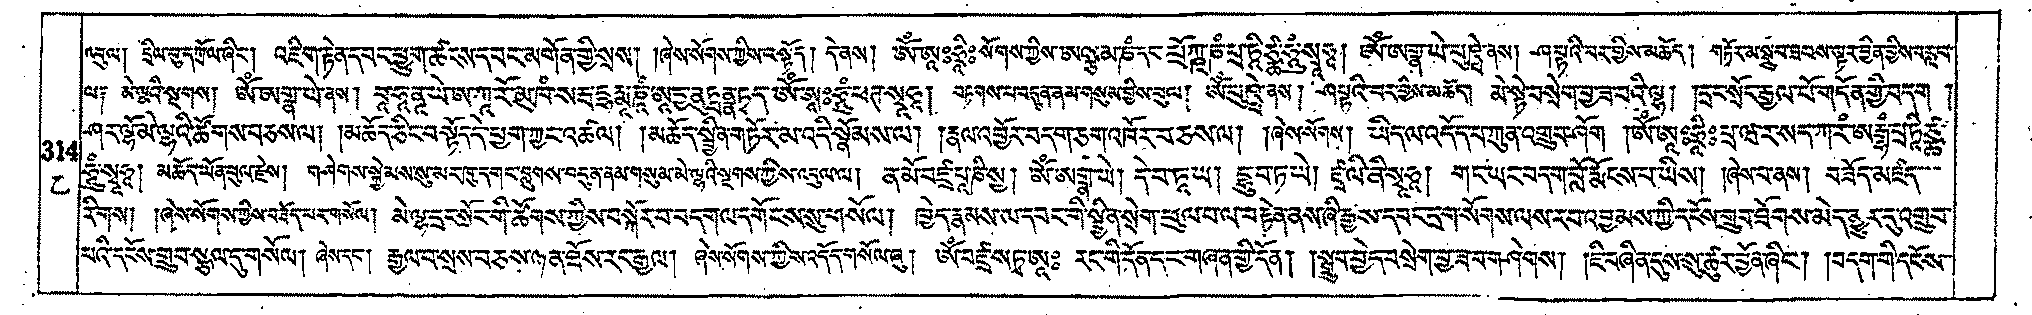འབུལ། དྲིལ་བུ་དཀྲོལ་ཞིང་། འཇིག་རྟེན་དབང་ཕྱུག་ཚངས་དབང་མགོན་གྱི་སྲས། །ཞེས་སོགས་ཀྱིས་བསྟོད། དེ་ནས།  ཨོཾ་ཨཱཿཧྲཱིཿ སོགས་ཀྱིས་ཨཉྩ་མ་ཎཾ་དང་པྲོཀྵ་ཎཾ་པྲ་ཏཱི་ཙྪ་ཧཱུཾ་སྭཱཧཱ། ཨོཾ་ཨགན་ཡེ་པུཥྤེ་ནས།  ཤཔྟའི་བར་གྱིས་མཆོད། གཏོར་མ་སྒྲུབ་ཐབས་ལྟར་བྱིན་གྱིས་བརླབ་
ལ༑ མེ་ལྷའི་སྔགས། ཨོཾ་ཨགན་ཡེ་ནས།  བཱ་ཧཱ་ནཱ་ཡེ་ཨ་ཀཱ་རོ་མུ་ཁཾ་སརྦ་དྷརྨཱ་ཎཱཾ་ཨཱ་དྱ་ནུཏྤནྣཏྭད་ཨོཾ་ཨཱཿཧཱུཾ་ཕཊ་སྭཱཧཱ། བཏགས་པ་བདུན་ནམ་གསུམ་གྱིས་ཕུལ། ཨོཾ་པུཥྤེ་ནས། ཤཔྟའི་བར་གྱིས་མཆོད།  མེ་སྟེ་བསྲེག་བྱ་ཟ་བའི་ལྷ། །དྲང་སྲོང་རྒྱལ་པོ་གདོན་གྱི་བདག །
ཤར་ལྷོ་མེ་ལྷའི་ཚོགས་བཅས་ལ། །མཆོད་ཅིང་བསྟོད་དེ་ཕྱག་ཀྱང་འཚལ། །མཆོད་སྦྱིན་གཏོར་མ་འདི་སྣོམས་ལ། །རྣལ་འབྱོར་བདག་ཅག་འཁོར་བཅས་ལ། །ཞེས་སོགས།  ཡིད་ལ་འདོད་པ་ཀུན་འགྲུབ་ཤོག །ཨོཾ་ཨཱཿཧྲཱིཿཔྲ་ཝ་ར་སད་ཀ་རཾ་ཨརྒྷཾ་པྲ་ཏཱི་ཙྪ་
ཧཱུཾ་སྭཱཧཱ། མཆོད་ཡོན་ཕུལ་རྗེས། གཤེགས་སྐྱེམས་སུ་མར་ཁུ་དགང་བླུགས་བདུན་ནམ་གསུམ་མེ་ལྷའི་སྔགས་ཀྱིས་འབུལ་ལ།  ན་མོ་བཛྲ་པཱ་ཎི་སྱ། ཨོཾ་ཨགན་ཡེ། དེ་བ་ཏཱ་ཡ། དྷུ་བ་ཏ་ཡེ། ཛྭ་ལི་ནི་སྭཱཧཱ། གང་ཡང་བདག་བློ་རྨོངས་པ་ཡིས། །ཞེས་པ་ནས།  བཟོད་མཛད་་་
རིགས། །ཞེས་སོགས་ཀྱིས་བཟོད་པར་གསོལ།  མེ་ལྷ་དྲང་སྲོང་གི་ཚོགས་ཀྱིས་བསྐོར་བ་བདག་ལ་དགོངས་སུ་གསོལ། ཁྱེད་རྣམས་ལ་དབང་གི་སྦྱིན་སྲེག་ཕུལ་བ་ལ་བརྟེན་ནས་ཞི་རྒྱས་དབང་དྲག་སོགས་ལས་རབ་འབྱམས་ཀྱི་དངོས་གྲུབ་ཐོགས་མེད་མྱུར་དུ་འགྲུབ་
པའི་དངོས་གྲུབ་སྩལ་དུ་གསོལ། ཞེས་དང་།  རྒྱལ་བ་སྲས་བཅས་ཉན་ཐོས་རང་རྒྱལ། ཞེས་སོགས་ཀྱིས་འདོད་གསོལ་ཞུ།  ཨོཾ་བཛྲ་སཏྭ་ཨཱཿ རང་གི་དོན་དང་གཞན་གྱི་དོན། །སྒྲུབ་བྱེད་བསྲེག་བྱ་ཟ་བ་གཤེགས། །ཇི་བཞིན་དུས་སུ་ཚུར་བྱོན་ཞིང་། །བདག་གི་དངོས་་་